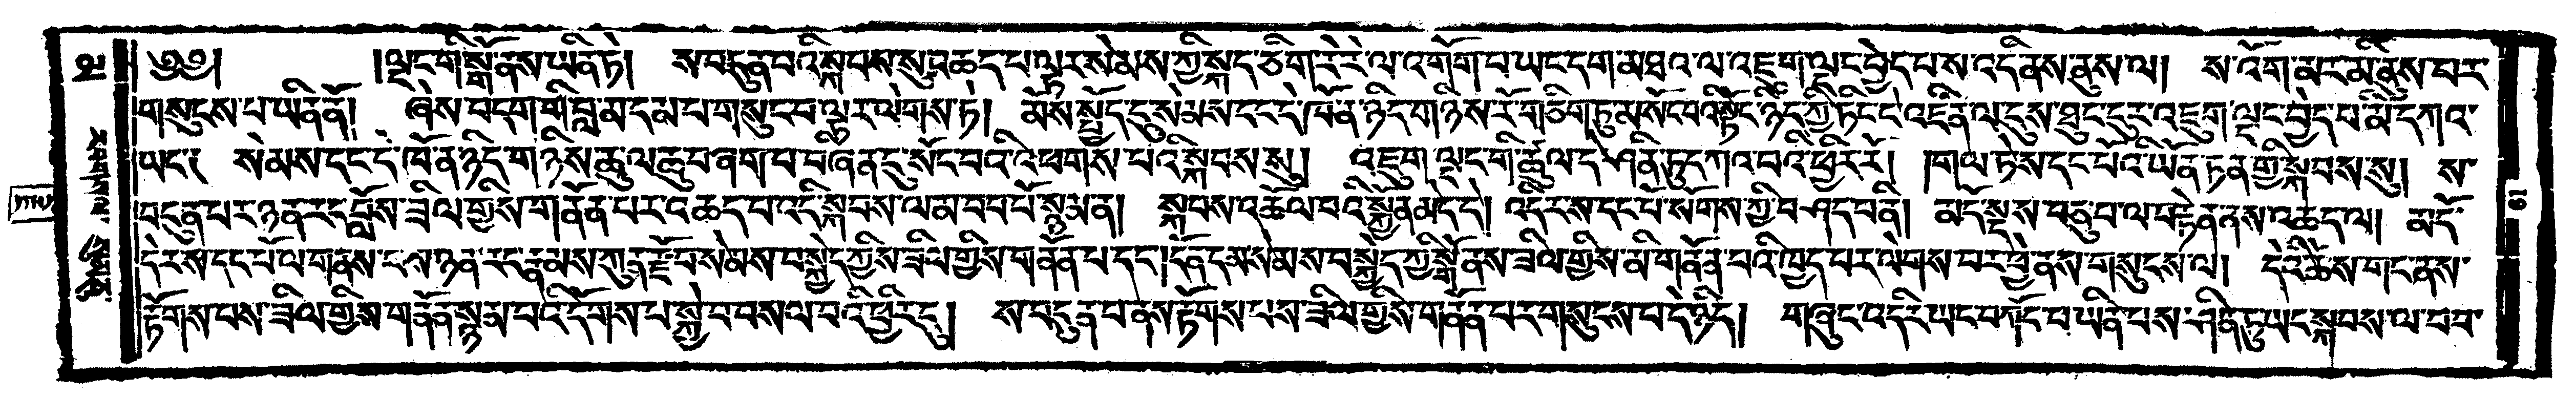།ལྡང་གི་སྒོ་ནས་ཡིན་ཏེ། ས་བདུན་པའི་སྐབས་སུ་འཆད་པ་ལྟར་སེམས་ཀྱི་སྐད་ཅིག་རེ་རེ་ལ་འགོག་པ་ཡང་དག་མཐའ་ལ་འཇུག་ལྡང་བྱེད་པ་ས་འདི་ནས་ནུས་ལ། ས་འོག་མར་མི་ནུས་པར་
གསུངས་པ་ཡིན་ནོ། ཞེས་བདག་གི་བླ་མ་དམ་པ་གསུང་བ་ལྟར་ལེགས་ཏེ། མོས་སྤྱོད་དུ་སེམས་དང་དེ་ཁོ་ན་ཉིད་གཉིས་རོ་གཅིག་ཏུ་མ་སོང་བའི་སྟོང་ཉིད་ཀྱི་ཏིང་ངེ་འཛིན་ལ་དུས་ཐུང་ངུར་འཇུག་ལྡང་བྱེད་པ་མི་དཀའ་
ཡང༑ སེམས་དང་དེ་ཁོ་ན་ཉིད་གཉིས་ཆུ་ལ་ཆུ་བཞག་པ་བཞིན་དུ་སོང་བའི་འཕགས་པའི་སྐབས་སུ། འཇུག་ལྡང་གི་ཚུལ་དེ་ཤིན་ཏུ་དཀའ་བའི་ཕྱིར་རོ། །གལ་ཏེ་ས་དང་པོའི་ཡོན་ཏན་གྱི་སྐབས་སུ། ས་
བདུན་པར་ཉན་རང་བློས་ཟིལ་གྱིས་གནོན་པར་འཆད་པ་འདི་སྐབས་ལ་མ་བབ་པོ་སྙམ་ན། སྐབས་འཆོལ་བའི་སྐྱོན་མེད་དེ། འདིར་ས་དང་པོ་སོགས་ཀྱི་བཤད་པ་ནི། མདོ་སྡེ་ས་བཅུ་པ་ལ་བརྟེན་ནས་འཆད་ལ། མདོ་
དེར་ས་དང་པོ་ལ་གནས་པས་ཉན་རང་རྣམས་ཀུན་རྫོབ་སེམས་བསྐྱེད་ཀྱིས་ཟིལ་གྱིས་གནོན་པ་དང་། དོན་དམ་སེམས་བསྐྱེད་ཀྱི་སྒོ་ནས་ཟིལ་གྱིས་མི་གནོན་པའི་ཁྱད་པར་ལེགས་པར་ཕྱེ་ནས་གསུངས་ལ། དེའི་ཚེ་ས་གང་ནས་
རྟོགས་པས་ཟིལ་གྱིས་གནོན་སྙམ་པའི་དོགས་པ་སྐྱེ་བ་བསལ་བའི་ཕྱིར་དུ། ས་བདུན་པ་ནས་རྟོགས་པས་ཟིལ་གྱིས་གནོན་པར་གསུངས་པ་དེ་ཉིད། གཞུང་འདིར་ཡང་བཀོད་པ་ཡིན་པས་ཤིན་ཏུ་ཡང་སྐབས་ལ་བབ་